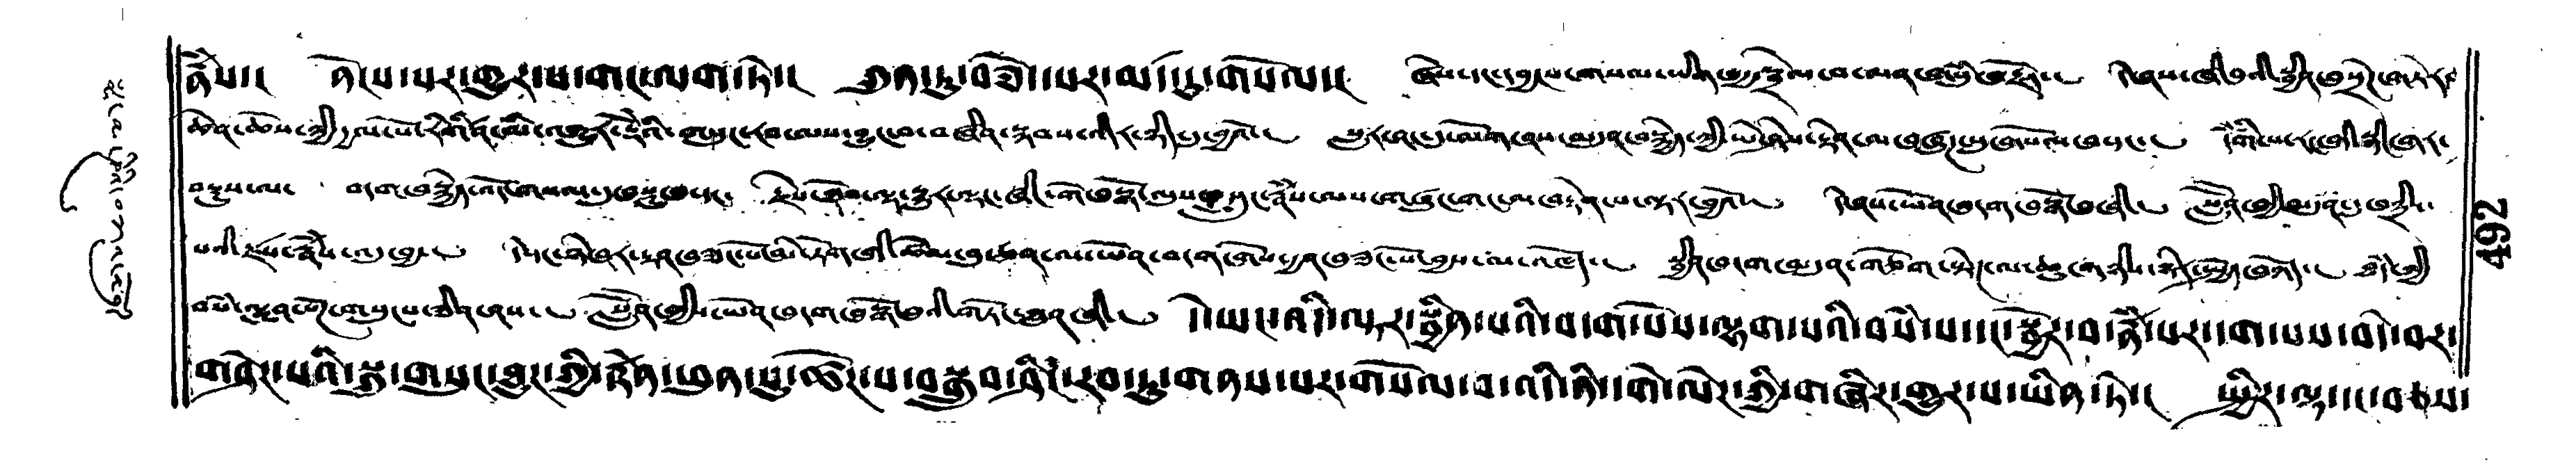རྣམས། །ནོངས་པར་གྱུར་པ་གང་ལགས་ཏེ། ཀུན་ཏུ་བཟོད་པར་མཛད་དུ་གསོལ། ཞེས་དང་དབྱངས་གསལ་ཡིག་བརྒྱ་སྦྲེལ་བ་ལན་གསུམ་བརྗོད། དེ་ནས་ཞི་བའི་སྦྱིན་བསྲེག་གཏེར་
ཆེན་ཆོས་ཀྱི་རྒྱལ་པོ་རིག་འཛིན་མི་འགྱུར་རྡོ་རྗེའི་གསུང་རབ་ལས་བྱུང་བ་བཞིན་སྐབས་འདི་ཉིད་དུ་བྱའོ།། སླར་ནང་དུ་ལོག་ནས་མདུན་བསྐྱེད་ཀྱི་ཡེ་ཤེས་རྟེན་ལ་བཞུགས་སུ་གསོལ་བ་དང་། དམ་ཚིག་པ་རང་གི་སྙིང་གར་
བསྡུས་ལ། བདག་བསྐྱེད་འོད་གསལ་དུ་བསྡུ་བ་དང་། རྗེས་ཐོབ་ལྷ་སྐུར་ལྡང་ཞིང་གོ་བསྒོ་ལུས་བསྲུང་རྣམས་ལས་གཞུང་གང་ལ་བརྟེན་པ་ལྟར་བྱའོ། དེ་ནས་ཡོན་བདག་བསྒོ་བ་ནི། སློབ་དཔོན་གྱི་མདུན་དུ་བཀྲ་ཤིས་
པའི་རྫས་རྣམས་འདུ་བྱ། དེ་དང་ཉེ་བར་རྟེན་བཟང་པོ་མེ་ཏོག་གི་ཚོམ་བུ་ཅན་ལ་ཡོན་བདག་གོས་རྒྱན་བཟང་པོ་བྱས་ལ་འཁོད། སྦྱིན་བདག་མདུན་གཅོག་སྟེགས་ལ་ཆུ་གཉིས་ཉེར་སྤྱོད་བཀོད། ཐམས་ཅད་ཀྱི་
བསམ་ལྷུན་སོགས་གསུངས་ཟིན་ནས། སློབ་དཔོན་གྱིས་ཡོན་བདག་བསྒོ་བའི་གཏོང་ཐུན་ནི། དེ་ཡང་འདི་ལྟར་སྦྱིན་པའི་བདག་པོས་ལྷག་པའི་བསམ་པ་དང་སྦྱོར་བ་རྣམ་པར་དག་པས་བདེ་བར་
གཤེགས་པའི་སྐུ་གསུང་ཐུགས་ཀྱི་རྟེན་ཕུན་སུམ་ཚོགས་པ་བསྒྲུབས་ཤིང་རབ་ཏུ་གནས་པར་གསོལ་བ་འདི་ནི་དགེ་ལེགས་ཀྱི་གཞིར་གྱུར་པ་ཡིན་ཏེ།སྤྱིར་ལྷ་དང་བཅས་